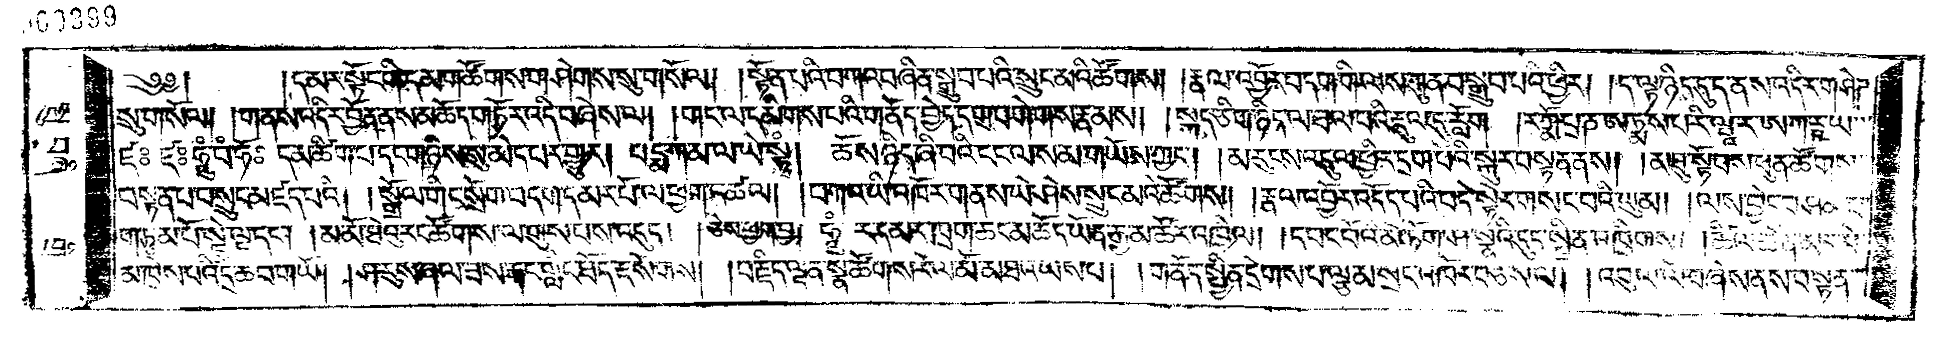༄༅། །དམར་སྟོང་གི་དམག་ཚོགས་གཤེགས་སུ་གསོལ། །སྟོན་པའི་བཀའ་བཞིན་སྒྲུབ་པའི་སྲུང་མའི་ཚོགས། །རྣལ་འབྱོར་བདག་གི་ལས་ཀུན་བསྒྲུབ་པའི་ཕྱིར། །ད་ལྟ་ཉིད་དུ་ད་ནས་འདིར་གཤེགས་
སུ་གསོལ། །གནས་འདིར་བྱོན་ནས་མཆོད་གཏོར་འདི་བཞེས་ལ། །གང་ལ་དམིགས་པའི་གནོད་བྱེད་དགྲ་བགེགས་རྣམས། །སྐད་ཅིག་ཉིད་ལ་ཐལ་པའི་རྡུལ་དུ་རློག །རཀྨོ་པྲ་ཎ་ཨ་ཏྨ་ས་པ་རི་ཝཱ་ར་ཨ་ཀ་རྵ་ཡ་
ཛཿ ཛཿ ཧཱུཾ་བཾ་ཧོཿ དམ་ཚིག་པ་དང་གཉིས་སུ་མེད་པར་གྱུར། པདམ་ཀ་མ་ལ་ཡེ་སྟྭཾ། ཆོས་ཉིད་ཞི་བའི་ངང་ལས་མ་གཡོས་ཀྱང་། །མ་རུངས་འདུལ་ཕྱིར་དྲག་པོའི་སྐུར་བསྟན་ནས། །མཐུ་སྟོབས་ཕུན་ཚོགས་
བསྟན་པ་བསྲུང་མཛད་པའི། །སྒྲོལ་གིང་སྲོག་བདག་དམར་པོ་ལ་ཕྱག་འཚལ། །བཀའ་ཡི་འཁོར་གནས་ཡེ་ཤེས་སྲུང་མའི་ཚོགས། །རྣལ་འབྱོར་འདོད་པའི་བདེ་སྟེར་གསང་བའི་ཡུམ། །ལས་བྱེད་བཤམ་པ་
གཏུམ་པོ་སྡེ་ལྔ་དང་། །མ་མོ་ཐེའུ་རང་ཚོགས་ལ་གུས་པས་འདུད། ། ཅེས་ཕྱག་བྱ།  ཧཱུཾ་ར་དམར་ཁྲག་ཆང་མཆོད་ཡོན་རྒྱ་མཚོར་འཁྱིལ། །དབང་པོའི་མེ་ཏོག་ཤ་སྣའི་དུད་སྤྲིན་འཁྲིགས། །ཚིལ་ཆེན་མར་མེ་
མཁྲིས་པའི་དྲི་ཆབ་གཡོ། །ཤ་རུས་ཞལ་ཟས་རྐང་གླིང་ཐོད་རྔ་སོགས། །བརྗིད་ལྡན་སྣ་ཚོགས་རོལ་མོ་མཐའ་ཡས་པ། །གནོད་སྦྱིན་དྲེགས་པ་ལྕམ་སྲང་འཁོར་བཅས་ལ། །འབུལ་ལོ་བཞེས་ནས་བསྟན་